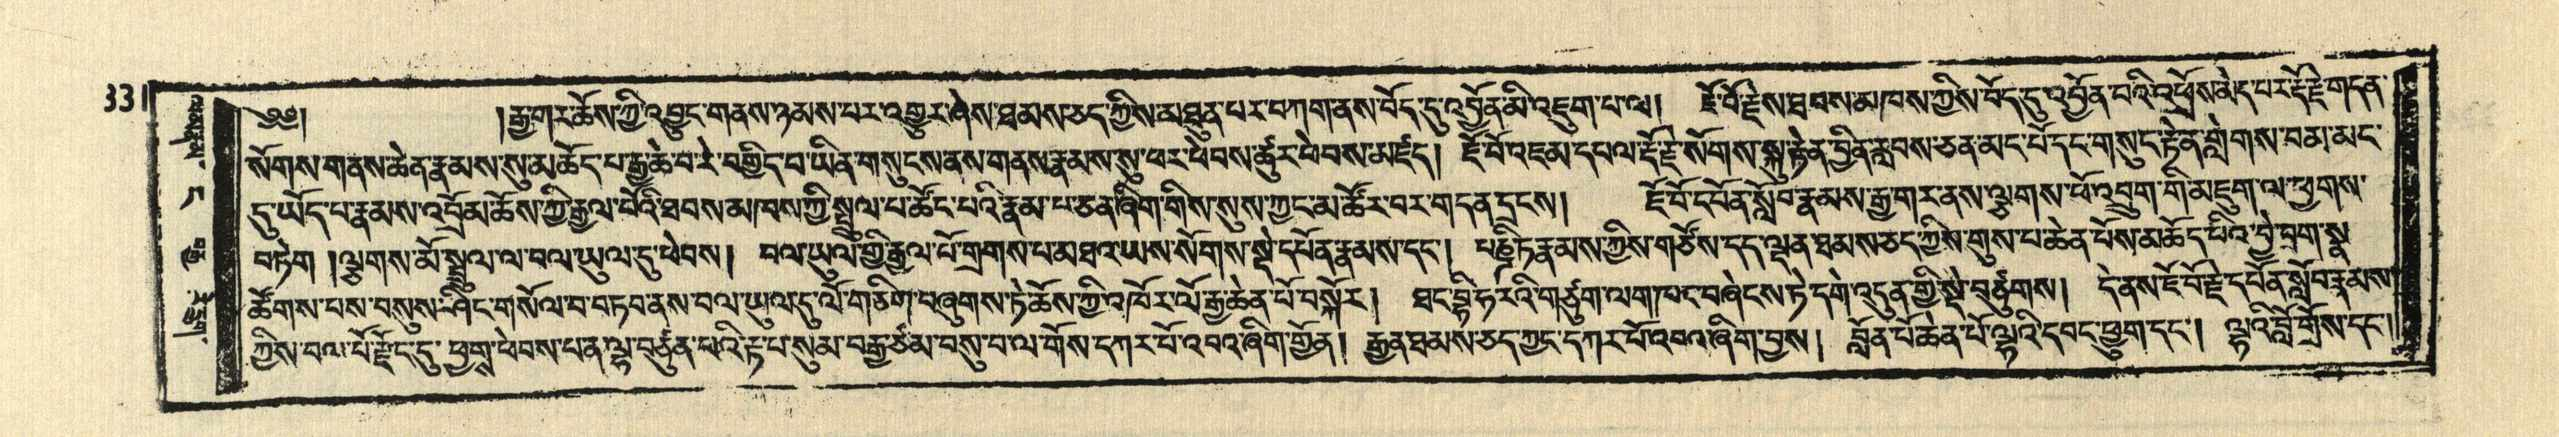༄༅། །རྒྱ་གར་ཆོས་ཀྱི་འབྱུང་གནས་ཉམས་པར་འགྱུར་ཞེས་ཐམས་ཅད་ཀྱིས་མཐུན་པར་བཀག་ནས་བོད་དུ་འབྱོན་མི་འཇུག་པ་ལ། ཇོ་བོ་རྗེས་ཐབས་མཁས་ཀྱིས་བོད་དུ་འབྱོན་བའི་འཕྲོས་མེད་པར་རྡོ་རྗེ་གདན་
སོགས་གནས་ཆེན་རྣམས་སུ་མཆོད་པ་རྒྱ་ཆེ་བ་རེ་བགྱིད་བ་ཡིན་གསུངས་ནས་གནས་རྣམས་སུ་ཕར་ཕེབས་ཚུར་ཕེབས་མཛད། ཇོ་བོ་འཇམ་དཔལ་རྡོ་རྗེ་སོགས་སྐུ་རྟེན་བྱིན་རླབས་ཅན་མང་པོ་དང་གསུང་རྟེན་གླེགས་བམ་མང་
དུ་ཡོད་པ་རྣམས་འབྲོམ་ཆོས་ཀྱི་རྒྱལ་པོའི་ཐབས་མཁས་ཀྱི་སྤྲུལ་པ་ཚོང་པའི་རྣམ་པ་ཅན་ཞིག་གིས་སུས་ཀྱང་མ་ཚོར་བར་གདན་དྲངས། ཇོ་བོ་དཔོན་སློབ་རྣམས་རྒྱ་གར་ནས་ལྕགས་ཕོ་འབྲུག་གི་མཇུག་ལ་ཕྱགས་
བཏེག །ལྕགས་མོ་སྦྲུལ་ལ་བལ་ཡུལ་དུ་ཕེབས། བལ་ཡུལ་གྱི་རྒྱལ་པོ་གྲགས་པ་མཐའ་ཡས་སོགས་སྡེ་དཔོན་རྣམས་དང་། པཎྜི་ཏ་རྣམས་ཀྱིས་གཙོས་དད་ལྡན་ཐམས་ཅད་ཀྱིས་གུས་པ་ཆེན་པོས་མཆོད་པའི་བྱེ་བྲག་སྣ་
ཚོགས་པས་བསུས་ཤིང་གསོལ་བ་བཏབ་ནས་བལ་ཡུལ་དུ་ལོ་གཅིག་བཞུགས་ཏེ་ཆོས་ཀྱི་འཁོར་ལོ་རྒྱ་ཆེན་པོ་བསྐོར། ཐང་བྷི་ཧ་རའི་གཙུག་ལག་ཁང་བཞེངས་ཏེ་དགེ་འདུན་གྱི་སྡེ་བཙུགས། དེ་ནས་ཇོ་བོ་རྗེ་དཔོན་སློབ་རྣམས་
ཀྱིས་བལ་པོ་རྫོང་དུ་ཕྱགས་ཕེབས་པ་ན་ལྷ་བཙུན་པའི་རྟ་པ་སུམ་བརྒྱ་ཙམ་བསུ་བ་ལ་གོས་དཀར་པོ་འབའ་ཞིག་གྱོན། རྒྱ་ཐམས་ཅད་ཀྱང་དཀར་པོ་འབའ་ཞིག་བྱས། བློན་པོ་ཆེན་པོ་ལྷའི་དབང་ཕྱུག་དང་། ལྷའི་བློ་གྲོས་དང་།